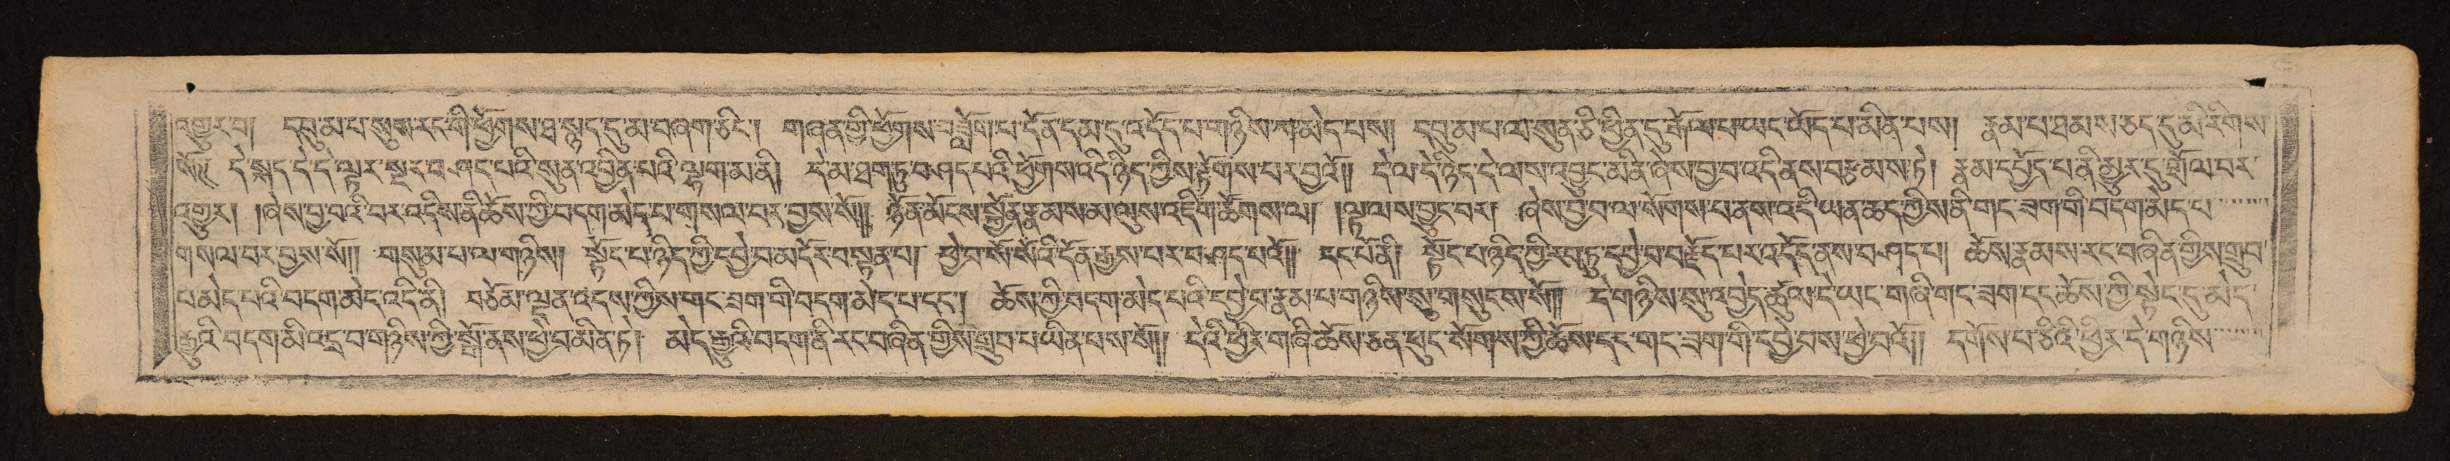འགྱུར་བ། དབུ་མ་པ་སུས་རང་གི་ཕྱོགས་ཐ་སྙད་དུ་མ་བཞག་ཅིང་། གཞན་གྱི་ཕྱོགས་བཟློག་པ་དོན་དམ་དུ་འདོད་པ་གཉིས་ཀ་མེད་པས། དབུ་མ་པ་ལ་སུན་ཅི་ཕྱིན་དུ་རྒོལ་བ་ཡང་ཡོད་པ་མིན་པས། རྣམ་པ་ཐམས་ཅད་དུ་མི་རིགས་
སོ༑༑ དེ་སྐད་དེ་དེ་ལྟར་སྔར་བཤད་པའི་སུན་འབྱིན་པའི་ལྷག་མ་ནི། དེ་མ་ཐག་ཏུ་བཤད་པའི་ཕྱོགས་འདི་ཉིད་ཀྱིས་རྟོགས་པར་བྱའོ།། དེ་ལ་དེ་ཉིད་དེ་ལས་འབྱུང་མིན་ཞེས་བྱ་བ་འདི་ནས་བརྩམས་ཏེ། རྣམ་དཔྱོད་པ་ནི་མྱུར་དུ་གྲོལ་བར་
འགྱུར། །ཞེས་བྱ་བའི་བར་འདིས་ནི་ཆོས་ཀྱི་བདག་མེད་པ་གསལ་བར་བྱས་སོ།། ཉོན་མོངས་སྐྱོན་རྣམས་མ་ལུས་འཇིག་ཚོགས་ལ། །ལྟ་ལས་བྱུང་བར། ཞེས་བྱ་བ་ལ་སོགས་པ་ནས་འདི་ཡན་ཆད་ཀྱིས་ནི་གང་ཟག་གི་བདག་མེད་པ་
གསལ་བར་བྱས་སོ།། གསུམ་པ་ལ་གཉིས། སྟོང་པ་ཉིད་ཀྱི་དབྱེ་བ་མདོར་བསྟན་པ། ཕྱེ་བ་སོ་སོའི་དོན་རྒྱས་པར་བཤད་པའོ།། དང་པོ་ནི། སྟོང་པ་ཉིད་ཀྱི་རབ་ཏུ་དབྱེ་བ་བརྗོད་པར་འདོད་ནས་བཤད་པ། ཆོས་རྣམས་རང་བཞིན་གྱིས་གྲུབ་
པ་མེད་པའི་བདག་མེད་འདི་ནི། བཅོམ་ལྡན་འདས་ཀྱིས་གང་ཟག་གི་བདག་མེད་པ་དང་། ཆོས་ཀྱི་བདག་མེད་པའི་དབྱེ་བ་རྣམ་པ་གཉིས་སུ་གསུངས་སོ།། དེ་གཉིས་སུ་འབྱེད་ཚུལ་དེ་ཡང་གཞི་གང་ཟག་དང་ཆོས་ཀྱི་སྟེང་དུ་མེད་
རྒྱུའི་བདག་མི་འདྲ་བ་གཉིས་ཀྱི་སྒོ་ནས་ཕྱེ་བ་མིན་ཏེ། མེད་རྒྱུའི་བདག་ནི་རང་བཞིན་གྱིས་གྲུབ་པ་ཡིན་པས་སོ།། དེའི་ཕྱིར་གཞི་ཆོས་ཅན་ཕུང་སོགས་ཀྱི་ཆོས་དང་གང་ཟག་གི་དབྱེ་བས་ཕྱེ་བའོ།། དགོས་པ་ཅིའི་ཕྱིར་དེ་གཉིས་